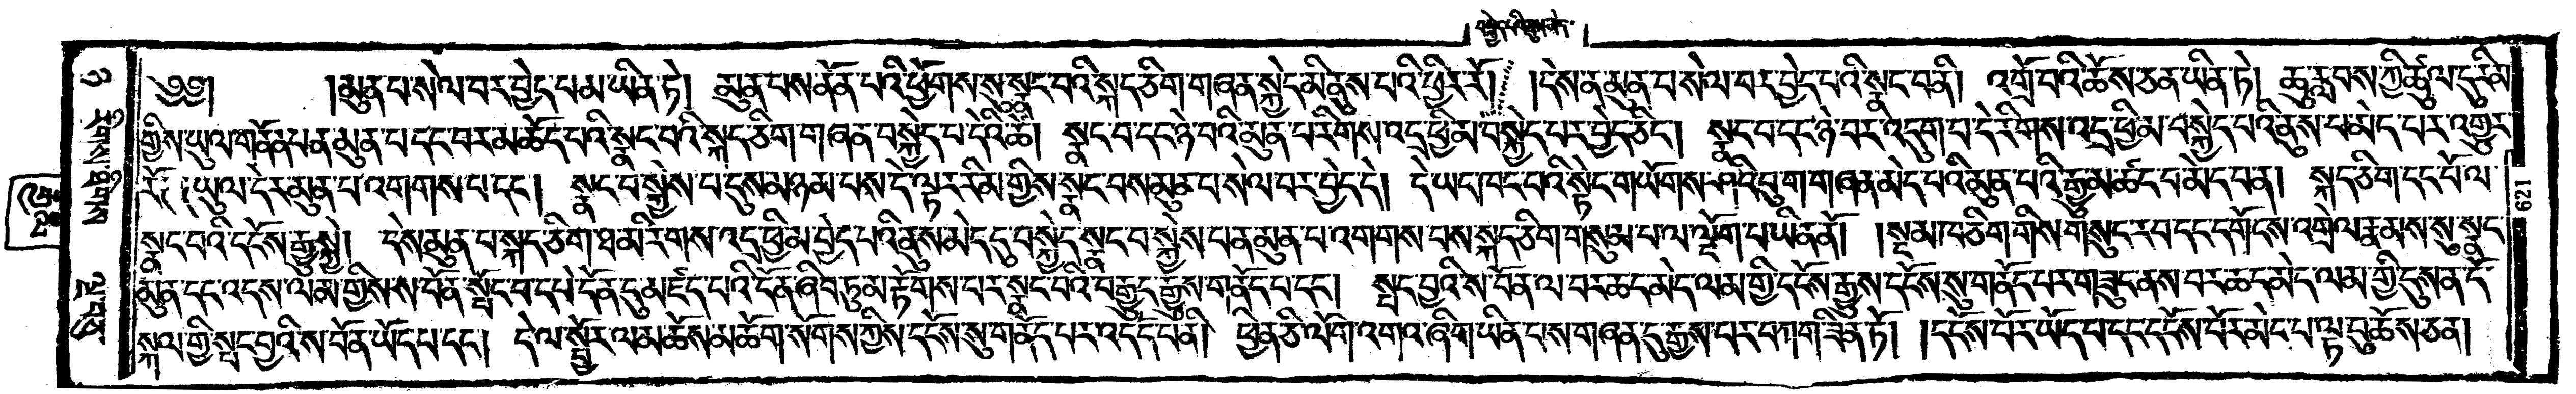༄༅། །མུན་པ་སེལ་བར་བྱེད་པ་མ་ཡིན་ཏེ། མུན་པས་ནོན་པའི་ཕྱོགས་སུ་སྣང་བའི་སྐད་ཅིག་གཞན་སྐྱེད་མི་ནུས་པའི་ཕྱིར་རོ། །དེས་ན་མུན་པ་སེལ་བར་བྱེད་པའི་སྣང་བ་ནི། འགྲོ་བའི་ཆོས་ཅན་ཡིན་ཏེ། ཆུ་རླབས་ཀྱི་ཚུལ་དུ་རིམ་
གྱིས་ཡུལ་གནོན་པན་མུན་པ་དང་བར་མཆོད་པའི་སྣང་བའི་སྐད་ཅིག་གཞན་བསྐྱེད་པ་དེའི་ཚེ། སྣང་བ་དང་ཉེ་བའི་མུན་པ་རིགས་འདྲ་ཕྱི་མ་བསྐྱེད་པར་བྱེད་ཅིང་། སྣང་བ་དང་ཉེ་བར་འདུག་པ་དེ་རིགས་འདྲ་ཕྱི་མ་བསྐྱེད་པའི་ནུས་པ་མེད་པར་འགྱུར་
རོ༑ ༑ཡུལ་དེར་མུན་པ་འགགས་པ་དང་། སྣང་བ་སྐྱེས་པ་དུས་མཉམ་པས་དེ་ལྟར་རིམ་གྱིས་སྣང་བས་མུན་པ་སེལ་བར་བྱེད་དེ། དེ་ཡང་ཁང་པའི་སྟེང་གཡོགས་ཤའི་བུ་ག་གཞན་མེད་པའི་མུན་པའི་རྒྱུ་མ་ཚང་བ་མེད་པ་ན། སྐད་ཅིག་དང་པོ་ལ་
སྣང་བའི་དངོས་རྒྱུ་སྐྱེ། དེས་མུན་པ་སྐད་ཅིག་ཐ་མ་རིགས་འདྲ་ཕྱི་མ་བྱེད་པའི་ནུས་མེད་དུ་བསྐྱེད་སྣང་བ་སྐྱེས་པ་ན་མུན་པ་འགགས་པས་སྐད་ཅིག་གསུམ་པ་ལ་ལྡོག་པ་ཡིན་ནོ། །སྔ་མ་ཁ་ཅིག་གིས་གསུང་རབ་དང་དགོངས་འགྲེལ་རྣམས་སུ་སྣང་
མུན་དང་འདས་ལ་མ་གྱིས་ས་བོན་སྤོང་བ་དཔེ་དོན་མཛད་པའི་དོན་ཞིབ་ཏུ་མ་རྟོགས་པར་སྣང་བའི་བརྒྱུད་རྒྱས་གནོད་པ་དང་། སྤང་བྱའི་ས་བོན་ལ་བར་ཆད་མེད་ལམ་གྱི་དངོས་རྒྱུས་དངོས་སུ་གནོད་པར་གཟུང་ནས་བར་ཆད་མེད་ལམ་གྱི་དུས་ན་དོ་
སྐལ་གྱི་སྤང་བྱའི་ས་བོན་ཡོད་པ་དང་། དེ་ལ་སྦྱོར་ལམ་ཆོས་མཆོག་སོགས་ཀྱིས་དངོས་སུ་གནོད་པར་འདོད་པ་ནི། ཕྱིན་ཅི་ལོག་འགའ་ཞིག་ཡིན་པས་གཞན་དུ་རྒྱས་པར་བཀག་ཟིན་ཏོ། །དངོས་པོར་ཡོད་པ་དང་དངོས་པོར་མེད་པ་ལྟ་བུ་ཆོས་ཅན།